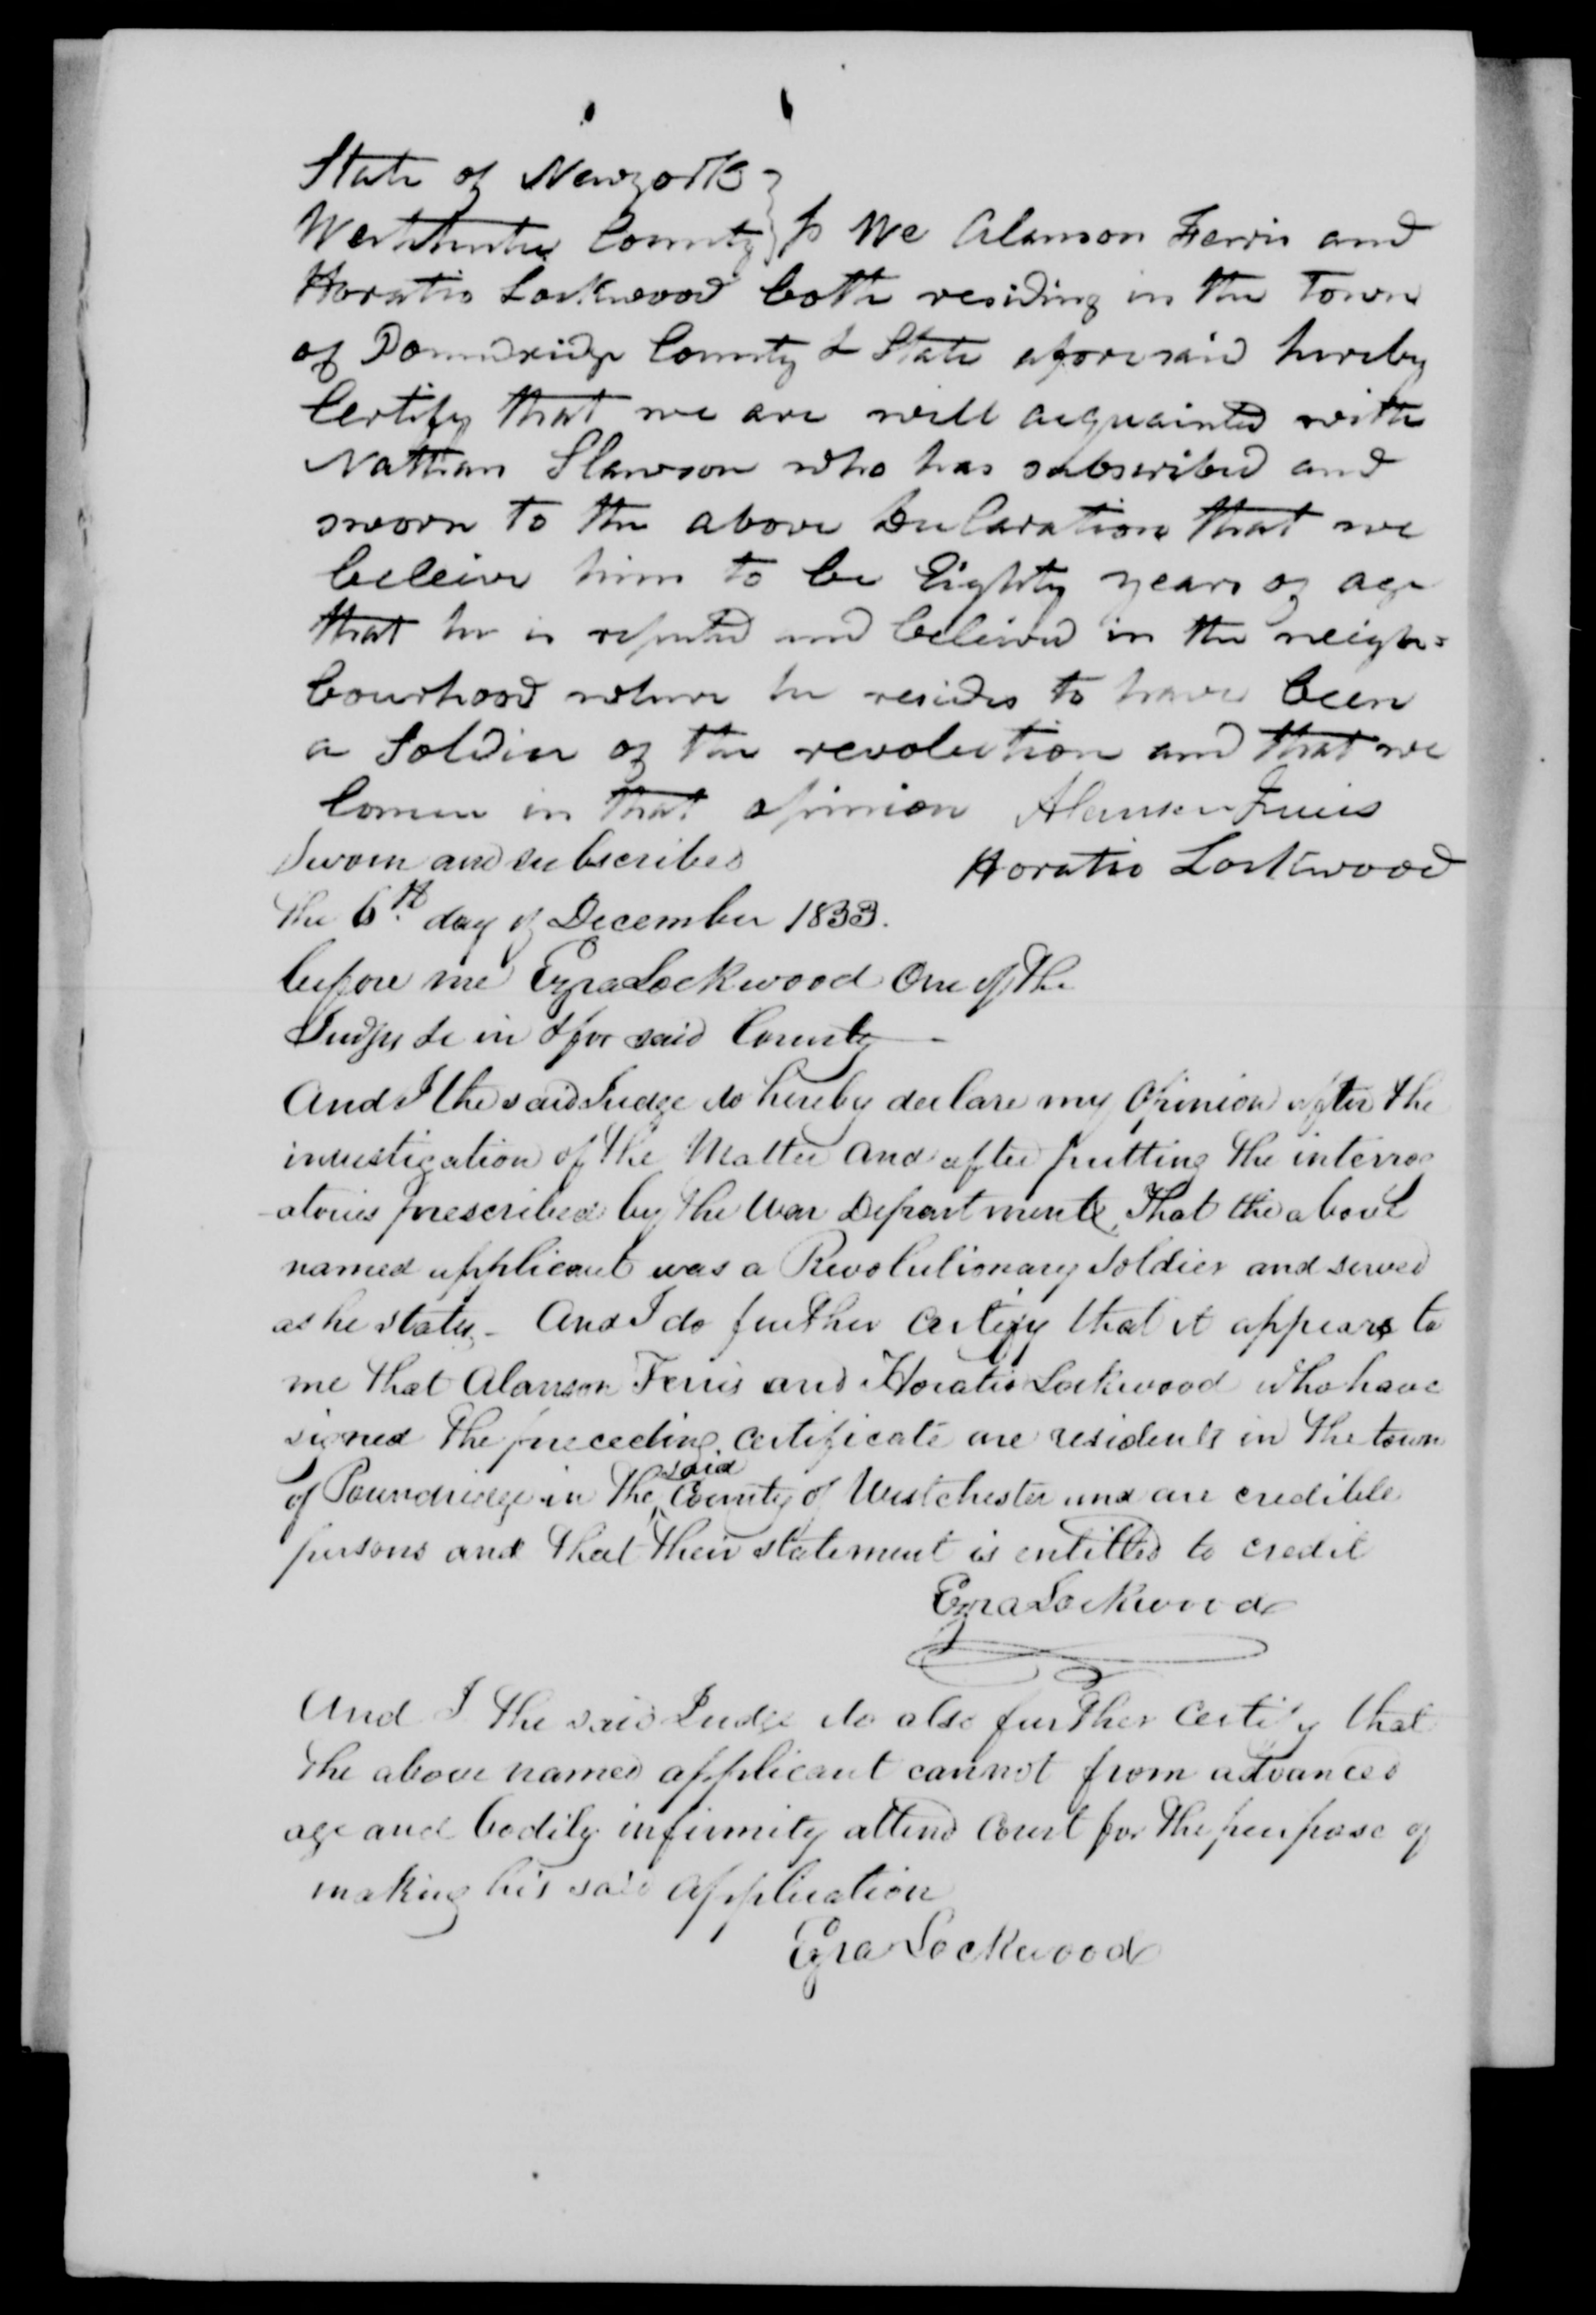State of New York 
Westchester County} ss We Alanson Ferris and Horatio Lockwood both residing in the town of Poundridge County & State aforesaid hereby Certify that we are well acquainted with Nathan Slawson who has subscribed and sworn to the above declaration that we believe him to be Eighty years of age that he is reputed and believed in the neighbourhood where he resides to have been a soldier of the revolution and that we concur in that opinion 
Alanson Ferris
Horatio Lockwood 
Sworn and subscribed the 6th day of December 1833 before me Ezra Lockwood one of the Judges &c in & for said County 
And I the said Judge do hereby declare my opinion after the investigation of the matter and after putting the interrogatories prescribed by the War Department, That the above named applicant was a Revolutionary soldier and served as he states. And I do further certify that it appears to me that Alanson Ferris and Horatio Lockwood who have signed the preceding certificate are residents in the town of Poundridge in the County of Westchester and are credible persons and that their statement is entitled to credit 
Ezra Lockwood  
And I the said Judge do also further certify that the above named applicant cannot from advanced age and bodily infirmity attend Court for the purpose of making his said application 
Ezra Lockwood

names: Ezra Lockwood; Ezra Lockwood; Alanson Ferris; Horatio Lockwood; Ezra Lockwood; Horatio Lockwood; Alanson Ferris; Alanson Ferris; Horatio Lockwood; Nathan Slawson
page: 9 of 87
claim: widow's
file: W. 22,226, for Nathan Slawson, Connecticut